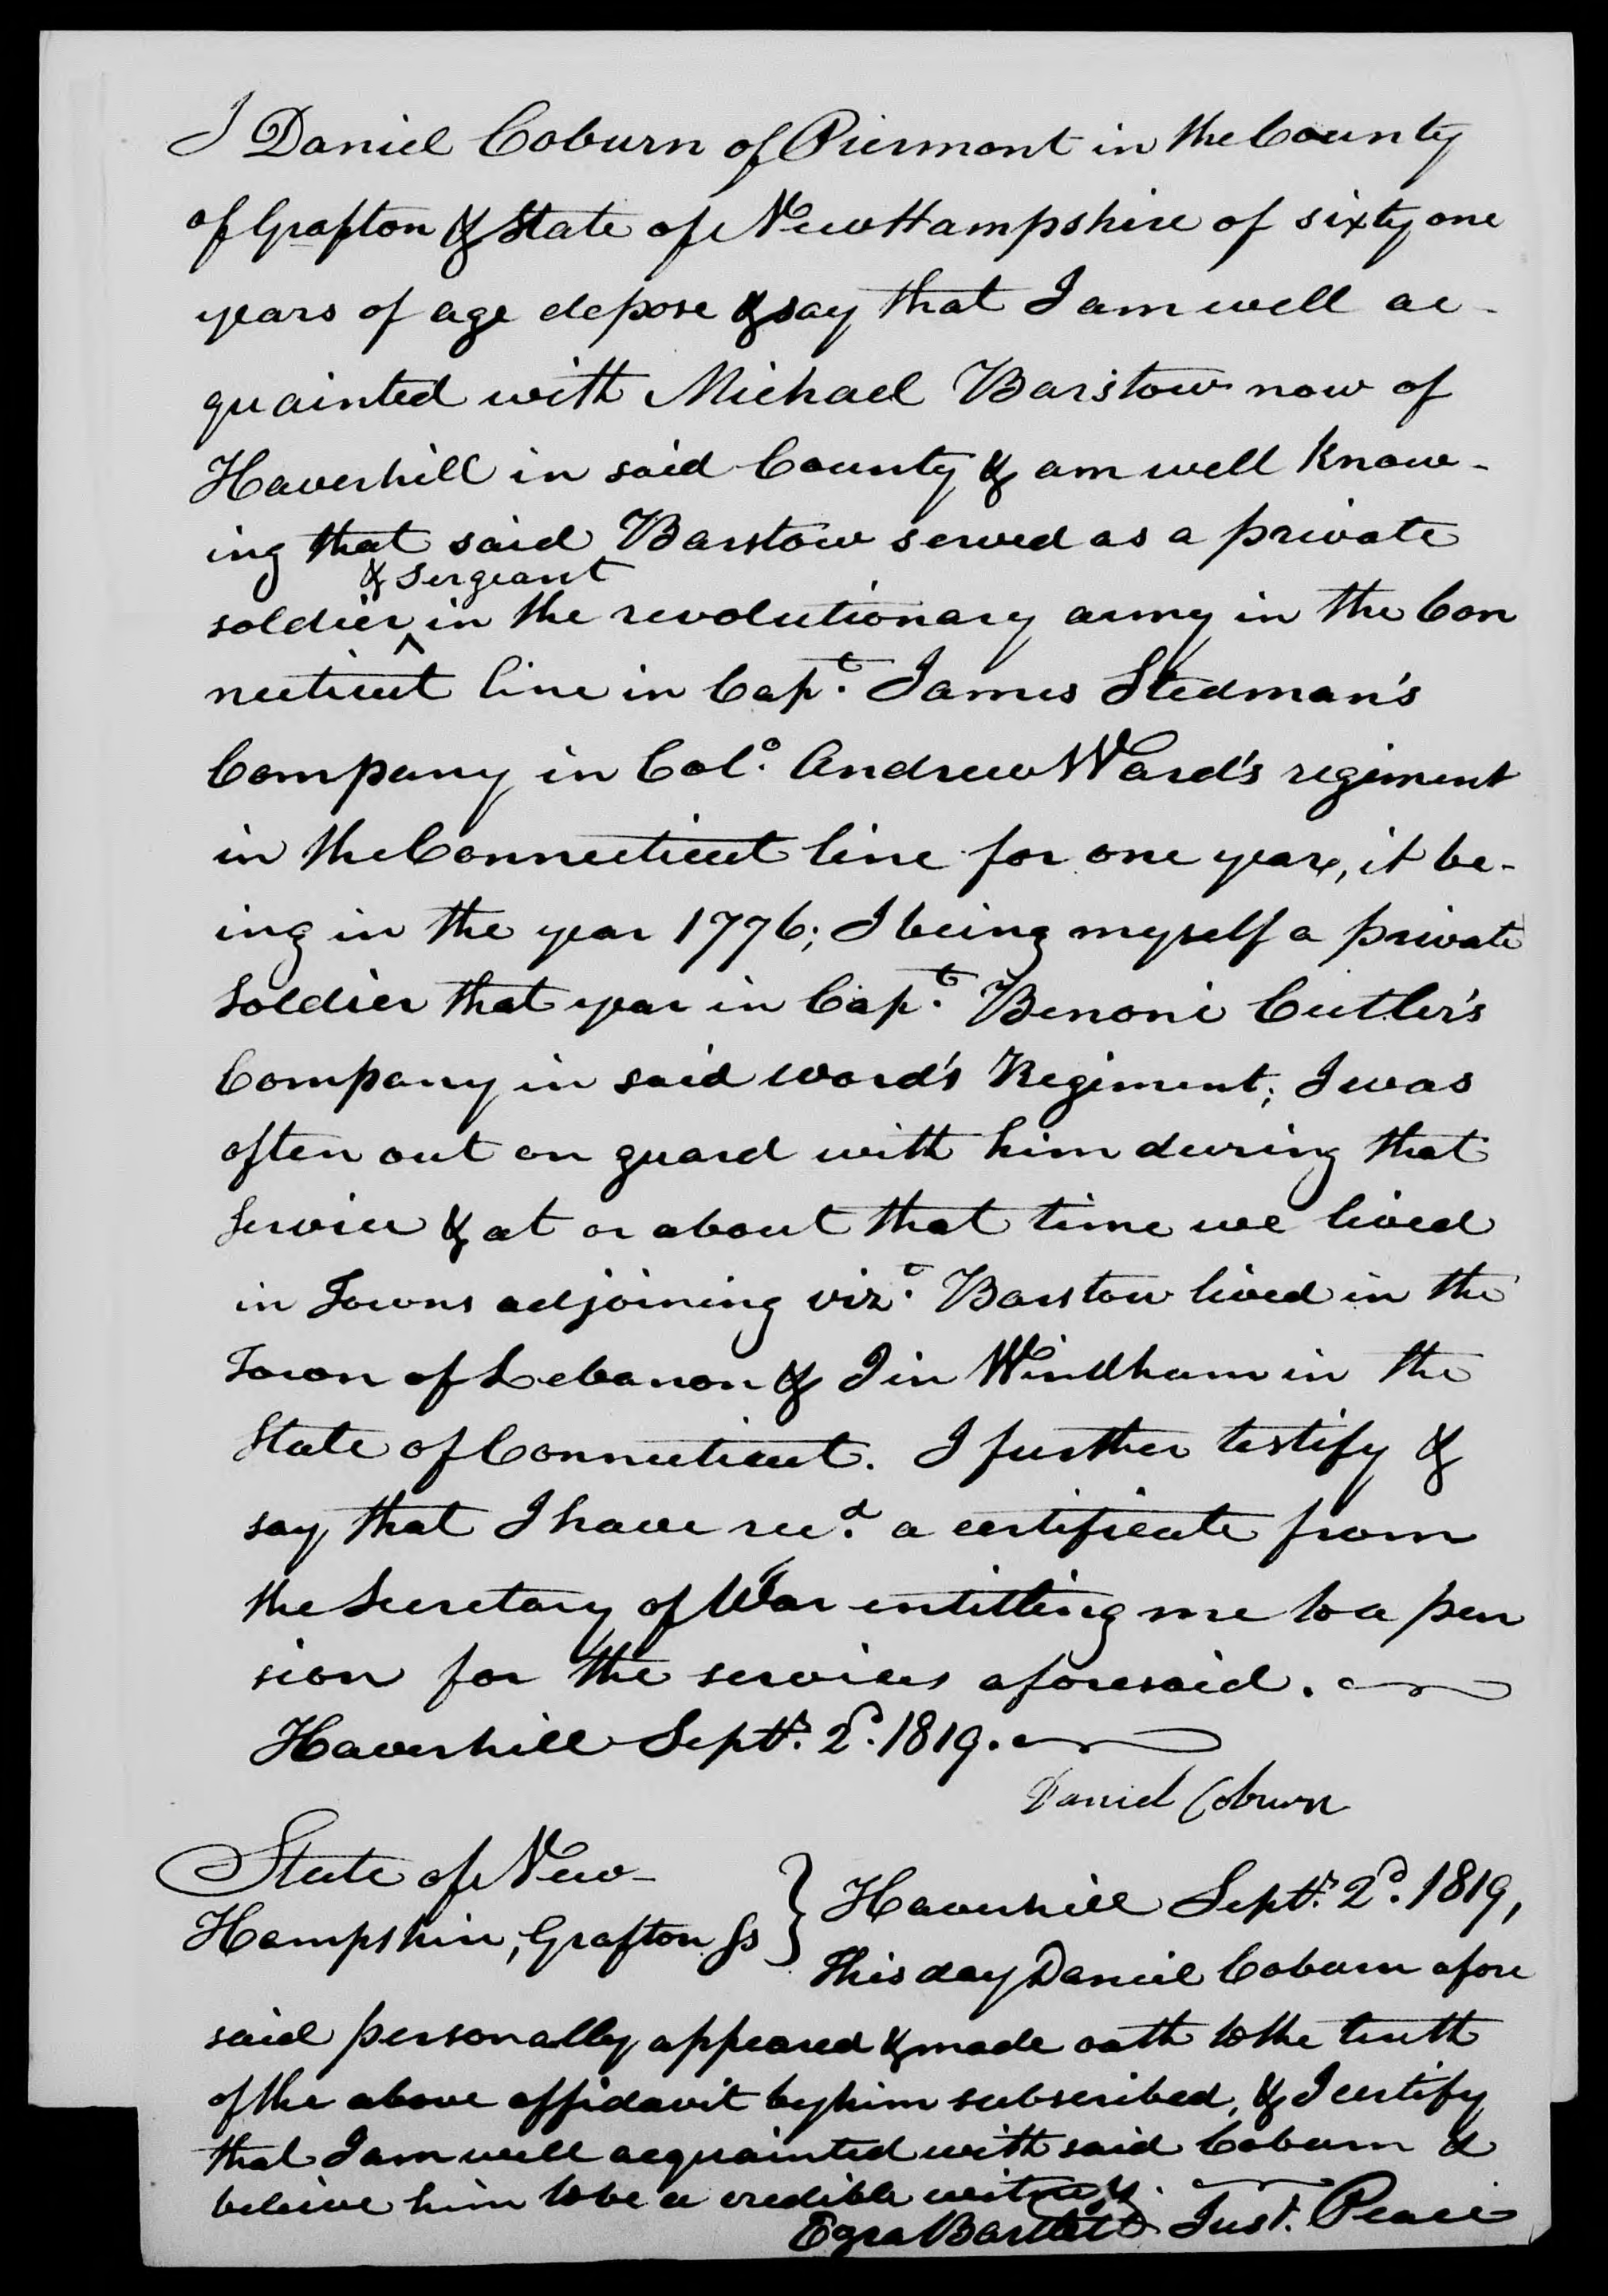I Daniel Coburn of Piermont in the county of Graft and state of New Hampshire of sixty one years of age depose and say that I am well acquainted with Michael Barstow now of Haverhill in said county and am well knowing that said Barstow served as a private soldier and sergeant in the revolutionary army in the Connecticut lie in Capt. James Stedman's company in Col. Andrew Ward's regiment in the Connecticut line for one year, it being in the year 1776;  I being myself a private soldier that year in Capt. Benoni Cutler's company in said Ward's regiment, I was often out on guard with him during that service and at or about that time we lived in towns adjoining viz Barstow lived in the town of Lebanon and I in Windham in the state of Connecticut.  I further testify and say that I have recd a certificate from the Secretary of War entitling me to a pension for the services aforesaid.
Haverhill Sept 2, 1819
Daniel Coburn

State of New Hampshire, Grafton
Haverhill Sept. 2 1819
This day Daniel Coburn aforesaid personally appeared and made oath to the truth of the above affidavit by him subscribed and I certify that I am well acquainted with said Coburn and believe him to be a credit witness.

Ezra Bartlett, Just. Peace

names: Daniel Coburn, Michael Barstow, Barstow, Barstow, Daniel Coburn, Coburn, Ezra Bartlett, David Coburn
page: 20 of 22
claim: survivor's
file: S. 45,519, Michael Barstow, Conn.